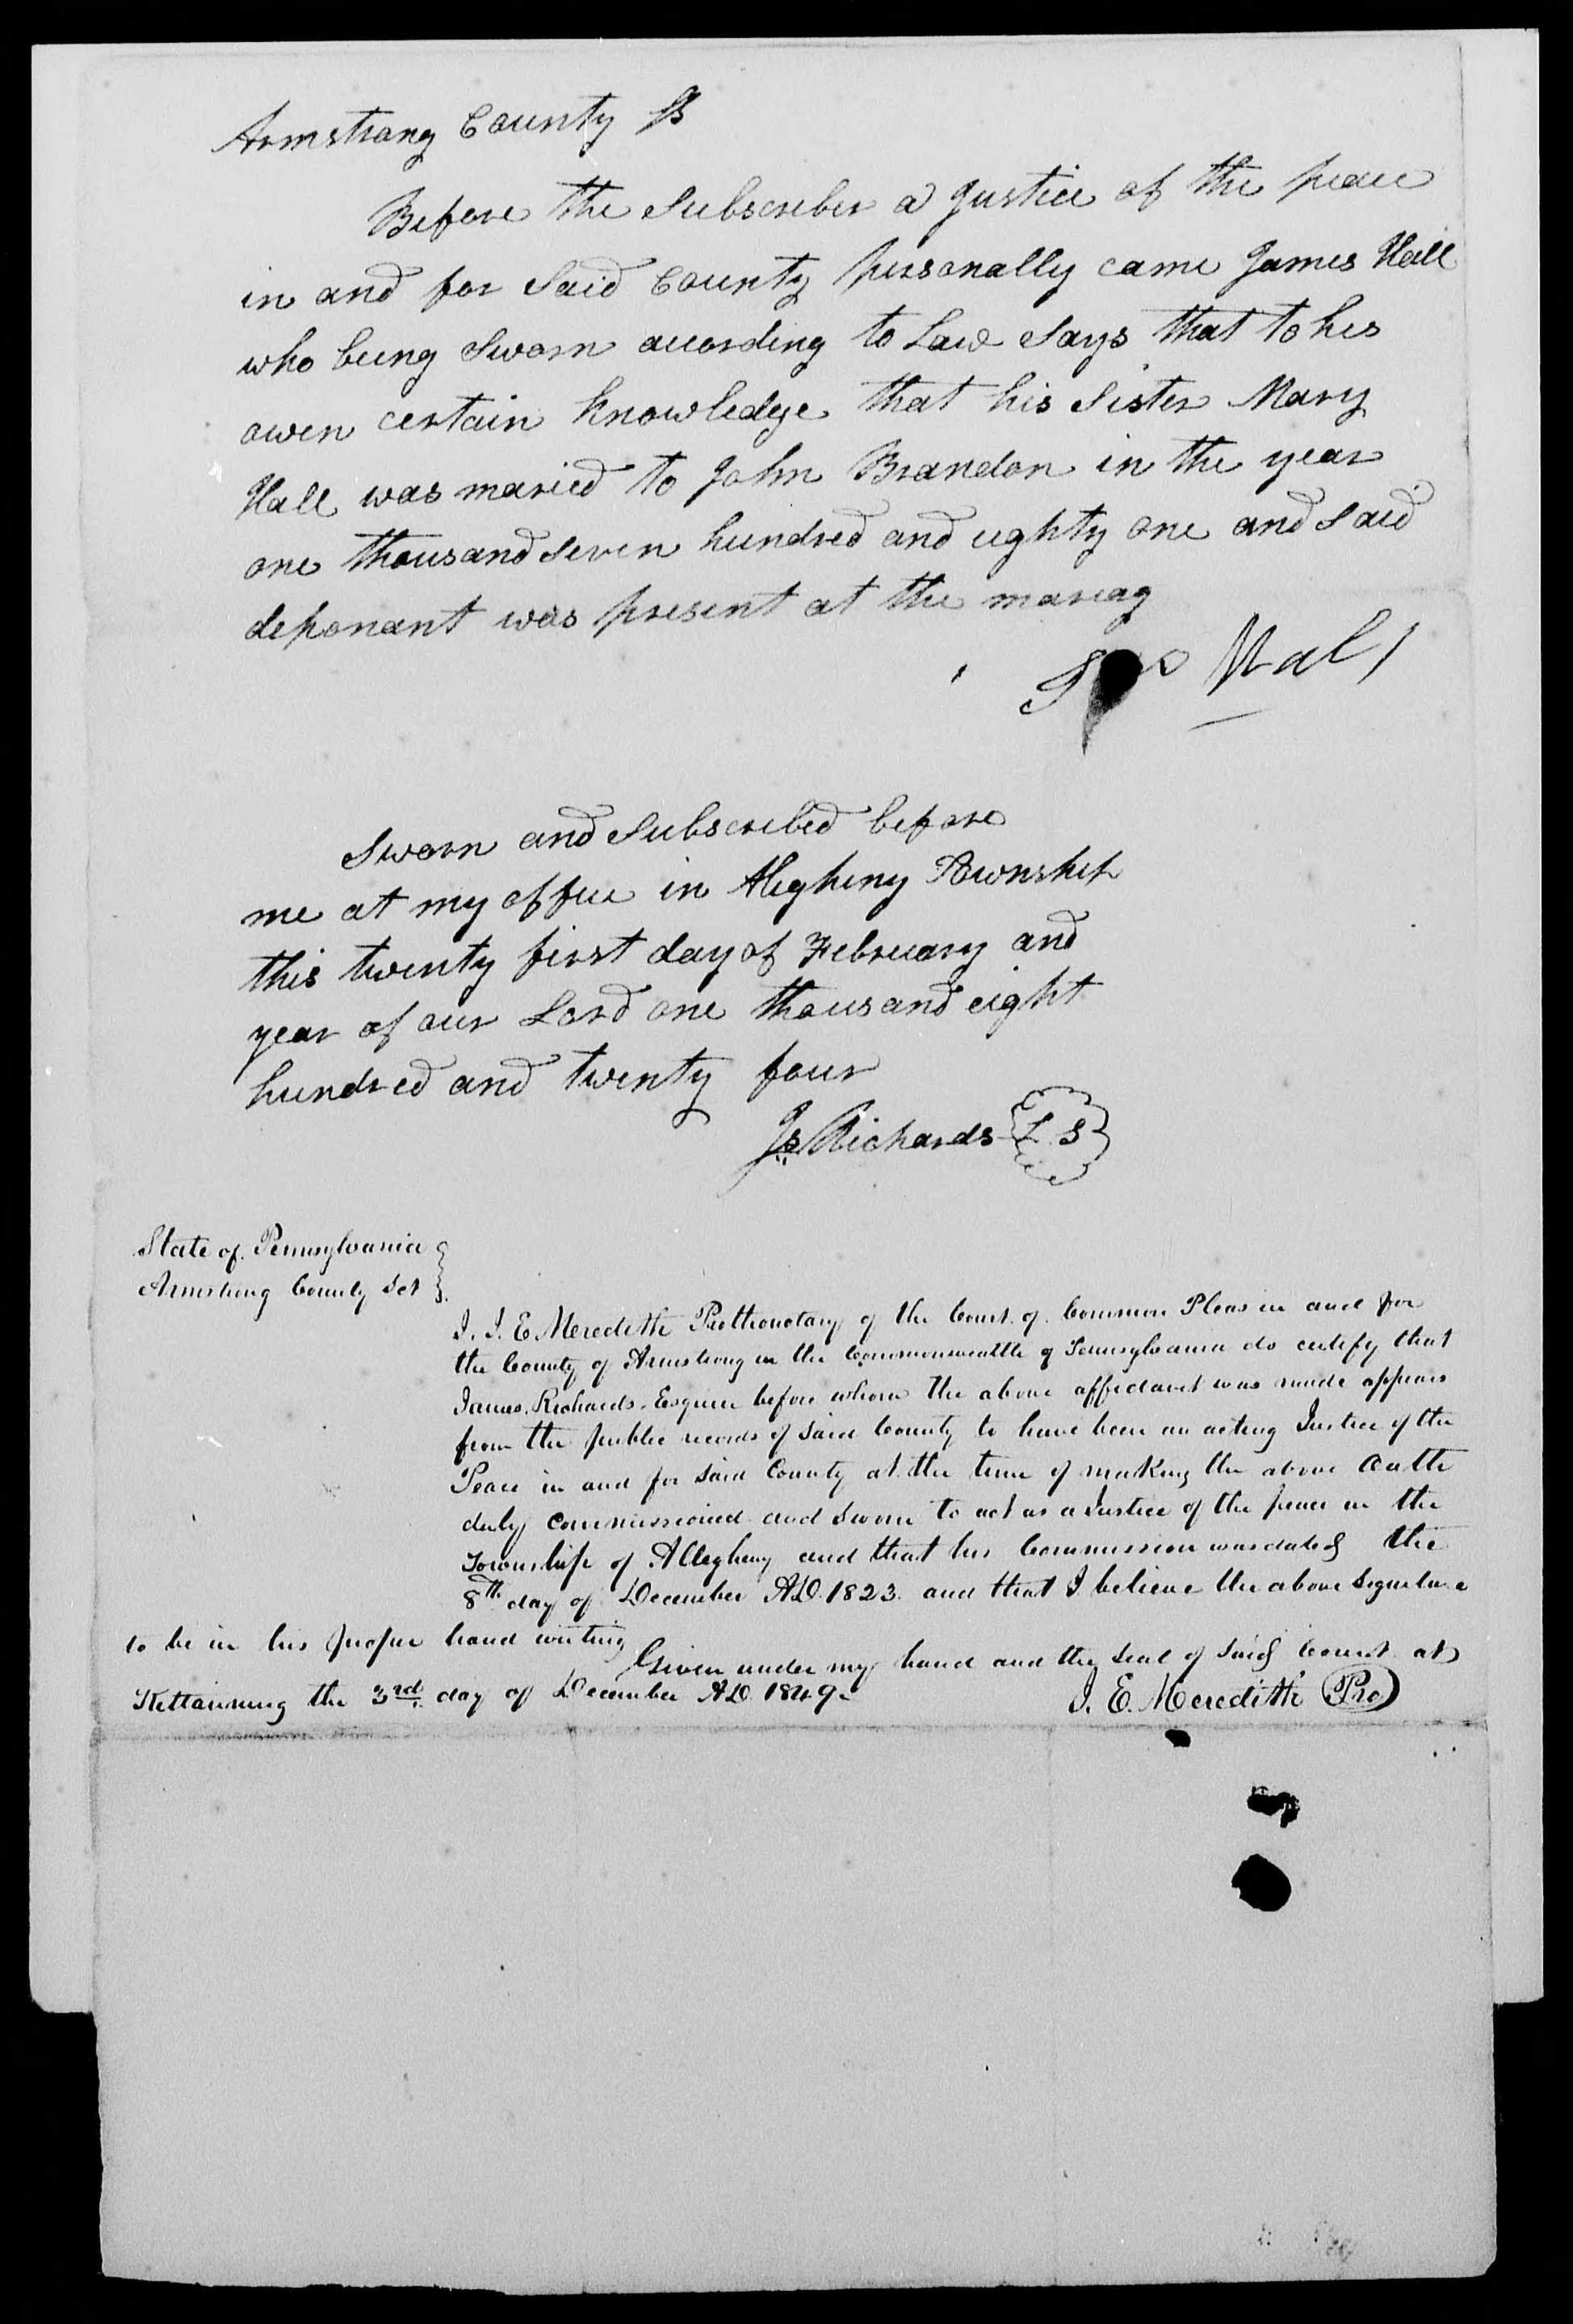Armstrong County ss
Before the Subscriber a Justice of the peace in and for Said County personally came James Hall who being Sworn according to Law says that to his own certain knowledge that his sister Mary Hall was maried [married] to John Brandon in the year one thousand seven hundred and eighty one and said deponant [deponent] was present at the mariag [marriage]
Jas Hall

Sworn and Subscribed before me at my office in Alegheny [Allegheny] Township this twenty first day of February and year of our Lord one thousand eight hundred and twenty four
Js. Richards {L.S}

State of Pennsylvania
Armstrong County SS}
I, J. E. Meredith Prothonotary of the Court of Common Pleas in and for the County of Armstrong in the Commonwealth of Pennsylvania do certify that James Richards, Esquire before whom the above affidavit was made appears from the public records of Said County to have been an acting Justice of the Peace in and for said County at the time of making the above oath duly commissioned and Sworn to act as a Justice of the peace in the Township of Allegheny and that his Commission was dated the 8th day of December AD 1823 and that I believe the above Signature to be in his proper hand writing
Given under my hand and the seal of said Court at Kittanning the 3rd day of December AD 1849-
J. E. Meredith Pro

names: Js Richards, J E Meredith, James Hall, Mary Hall, John Brandon, J E Meredith, Jas Hall, James Richards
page: 52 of 83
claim: widow's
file: W. 5946, John Brandon, Penn